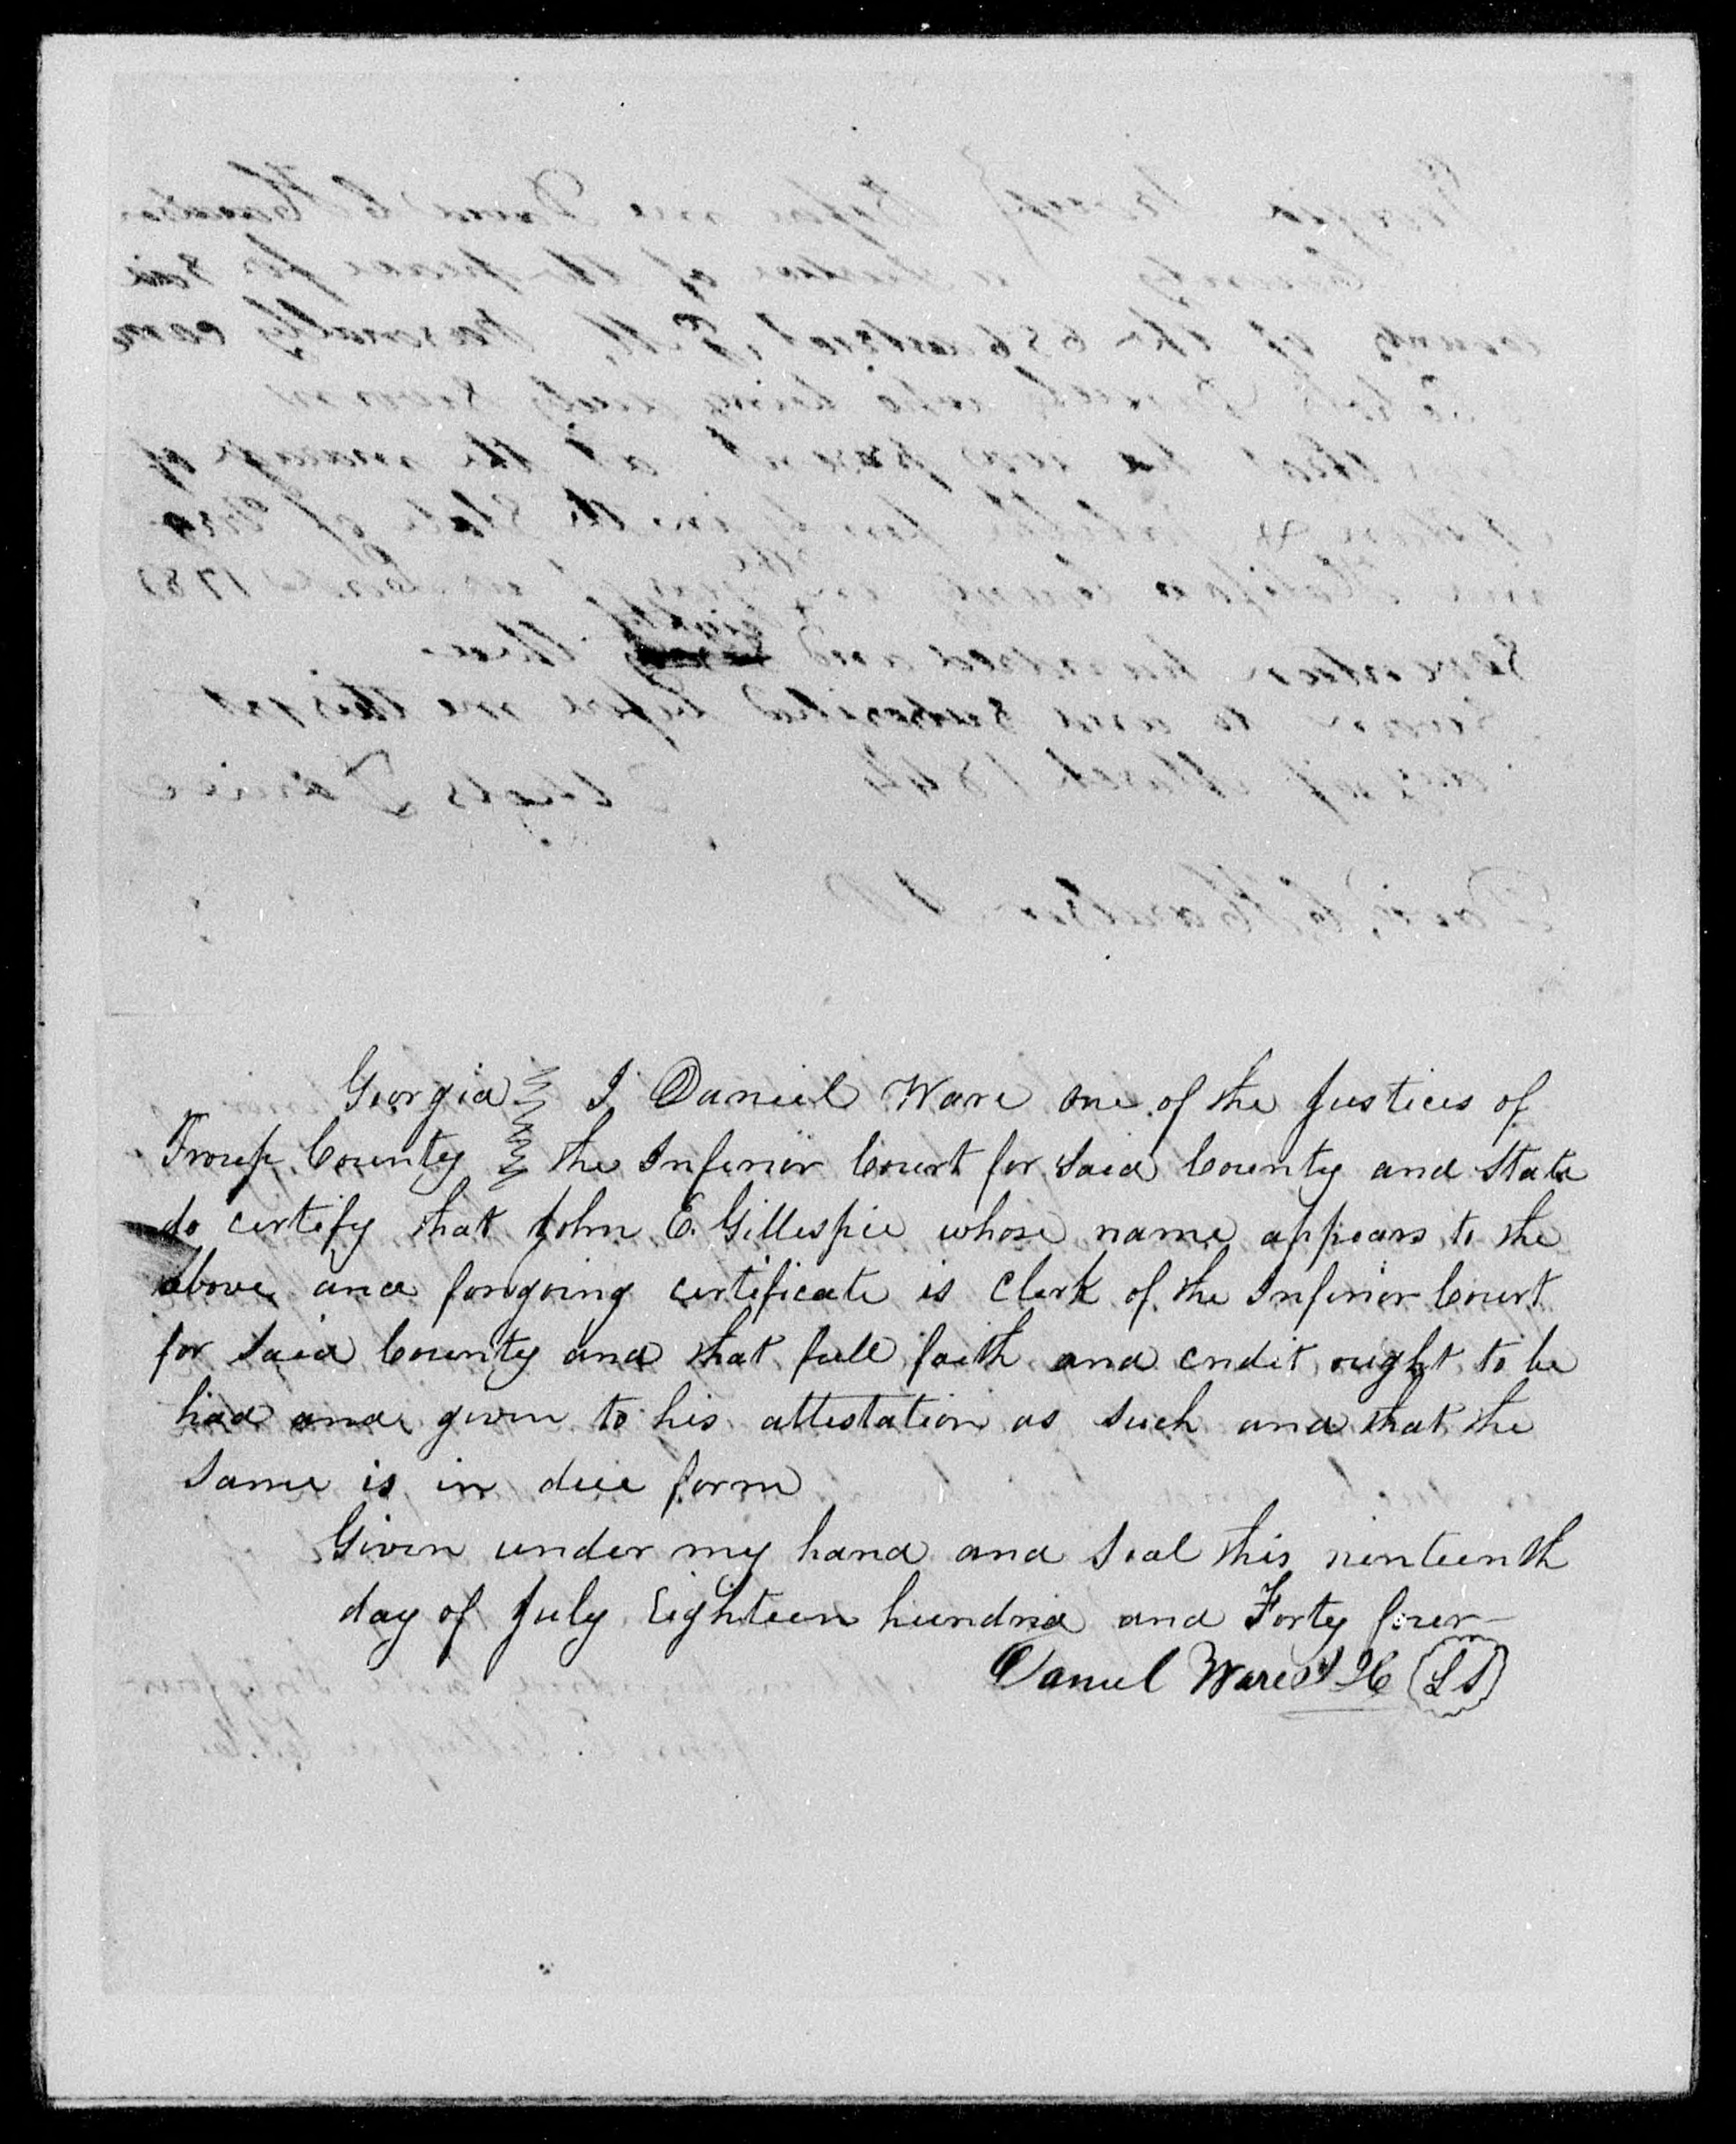Georgia 
Troup County 

   I Daniel Ware one of the Justices of the Inferior court for said County and State
certify that John E. Gillespie whose name appears to the above and foregoing certificate is Clerk of the Inferior Court for said County and that full faith and credit ought to be had and given to his attestation as such and that the same is in due form.

   Given under my hand and seal this nineteenth day of July eighteen hundred and forty four.
   Daniel Ware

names: John E Gillespie, Daniel Ware, Daniel Ware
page: 43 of 54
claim: widow's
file: W. 3794, Nathan Formby, Va.